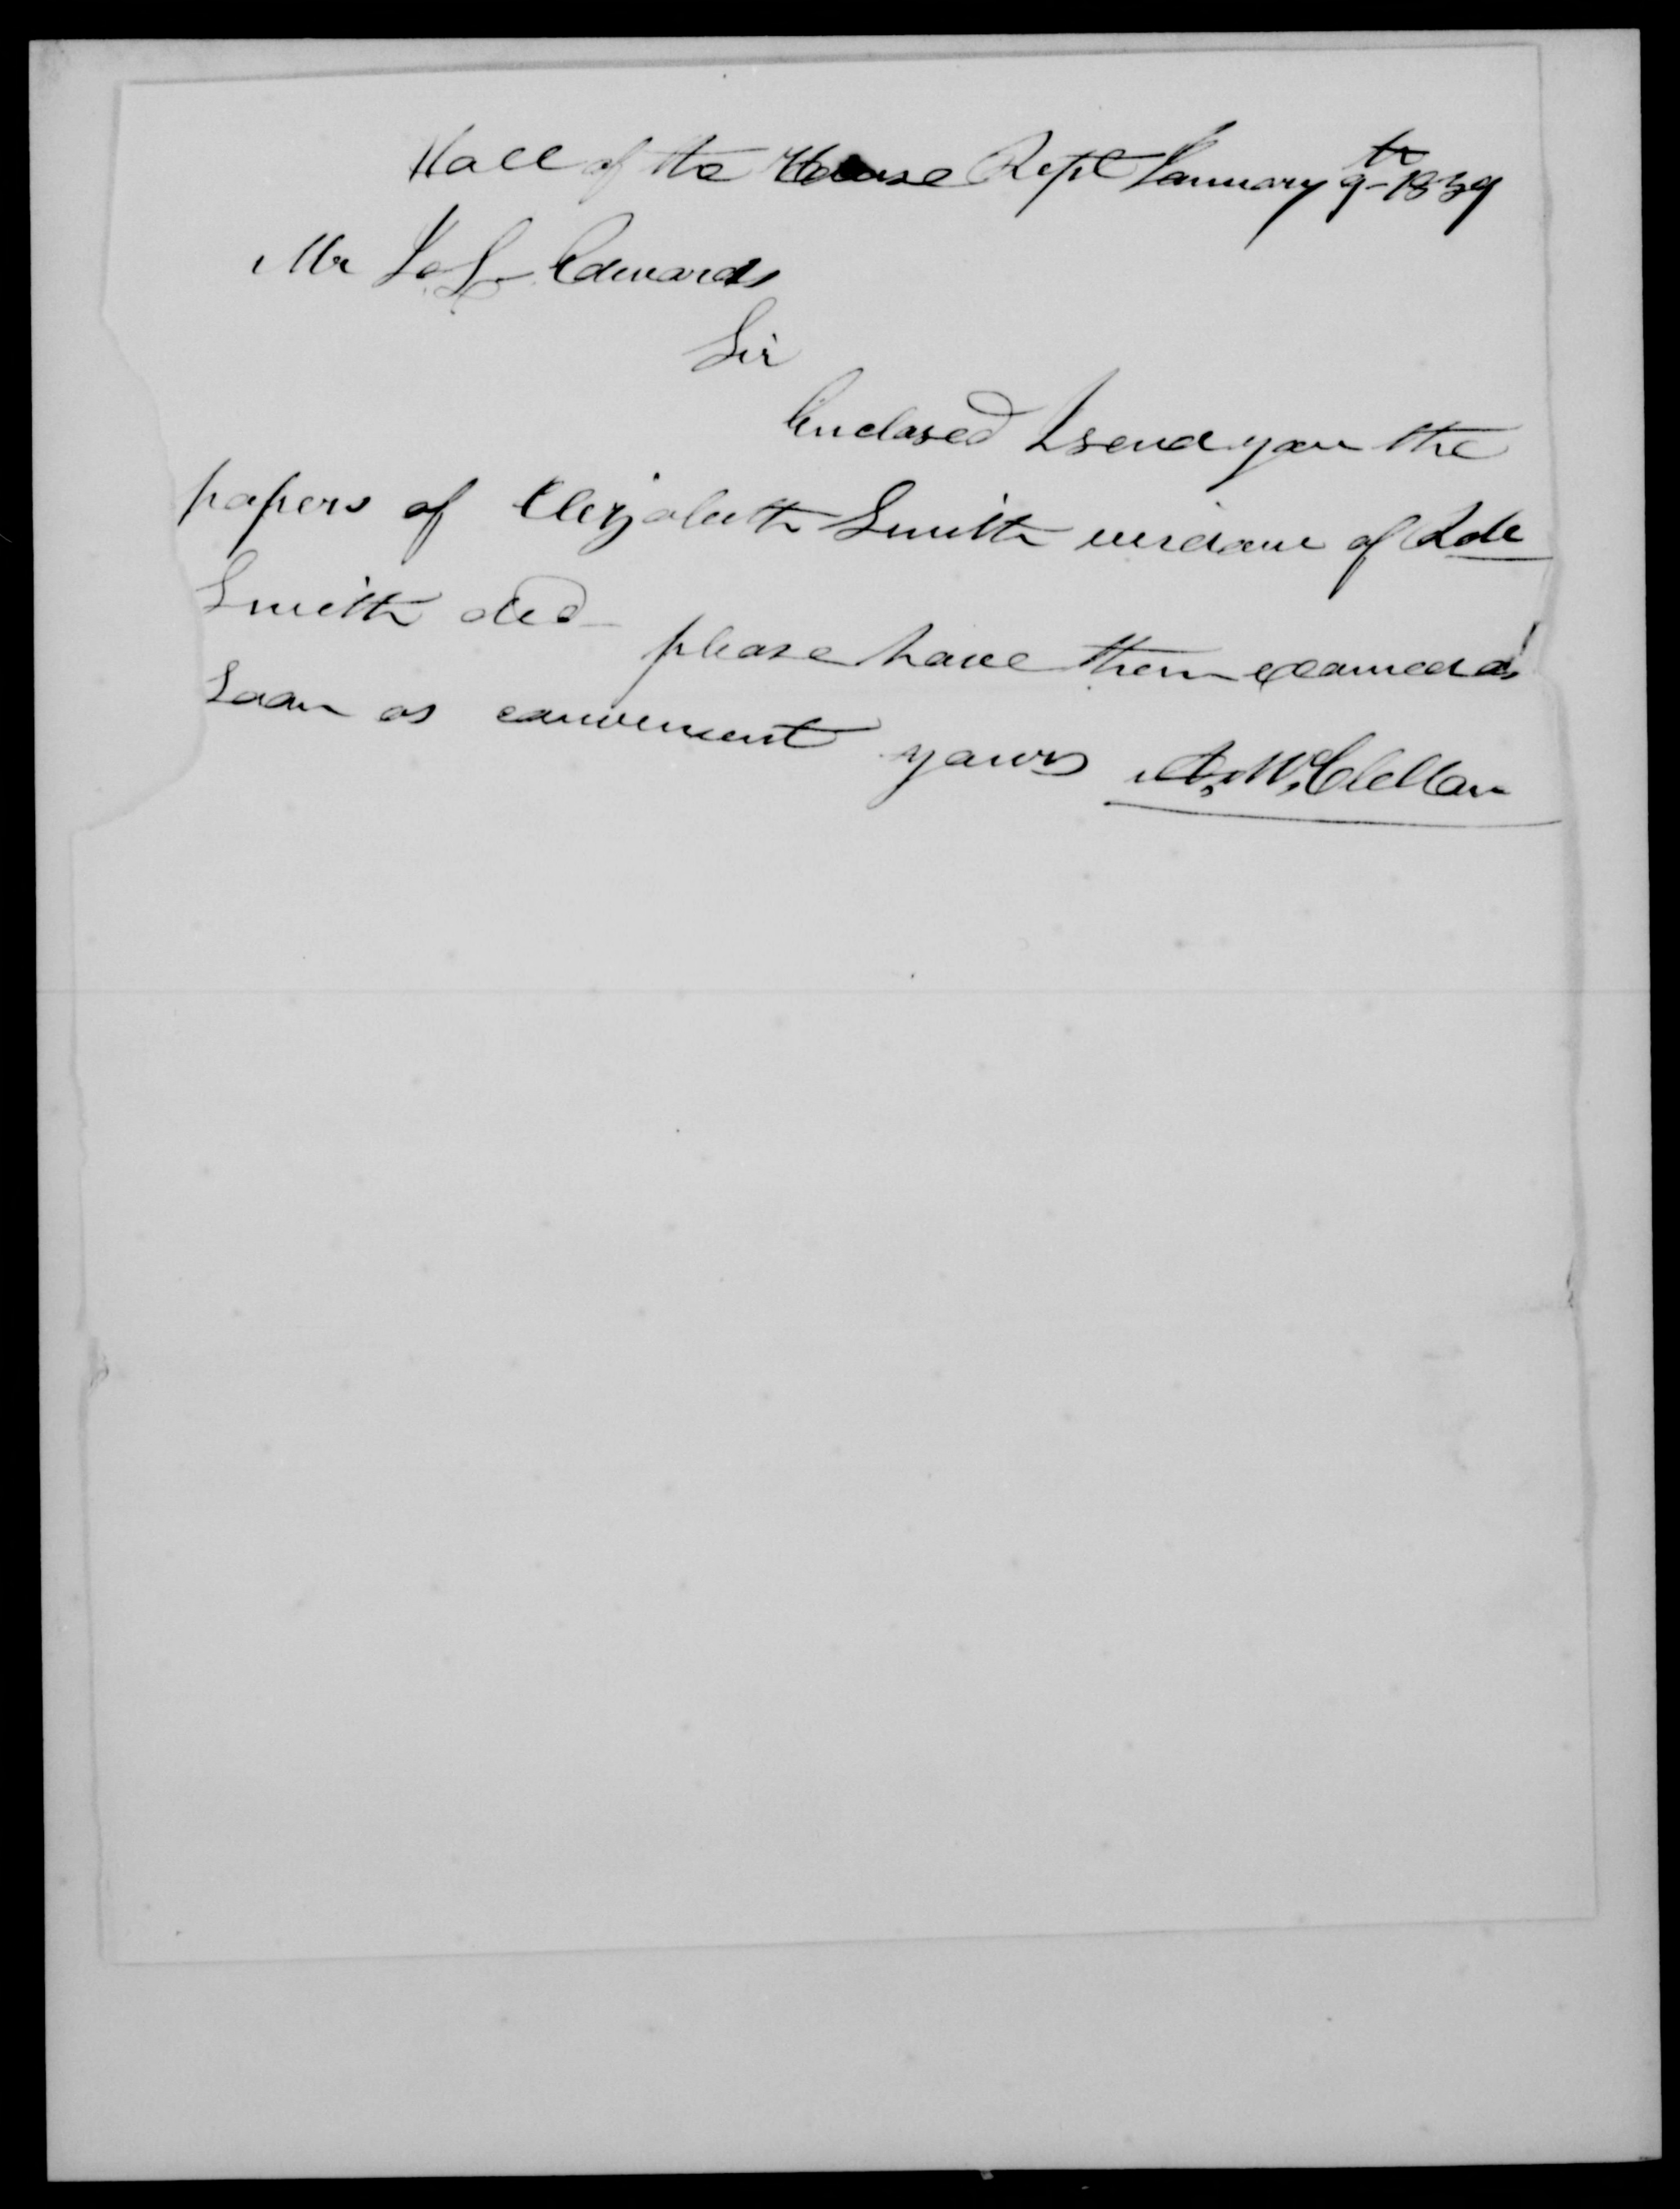Hall of the House  Rept January 9 1839
Mr J L Edwards
Sir
Enclosed I send you the
papers of Elizabeth Smith widow of Robert Smith decd
please have them examined
soon as convenient
yours A. McClellan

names: Elizabeth Smith; [BLANK] Smith; J L Edwards; A Mc Clellan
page: 52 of 79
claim: widow's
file: W. 1504, for Robert Smith, North Carolina